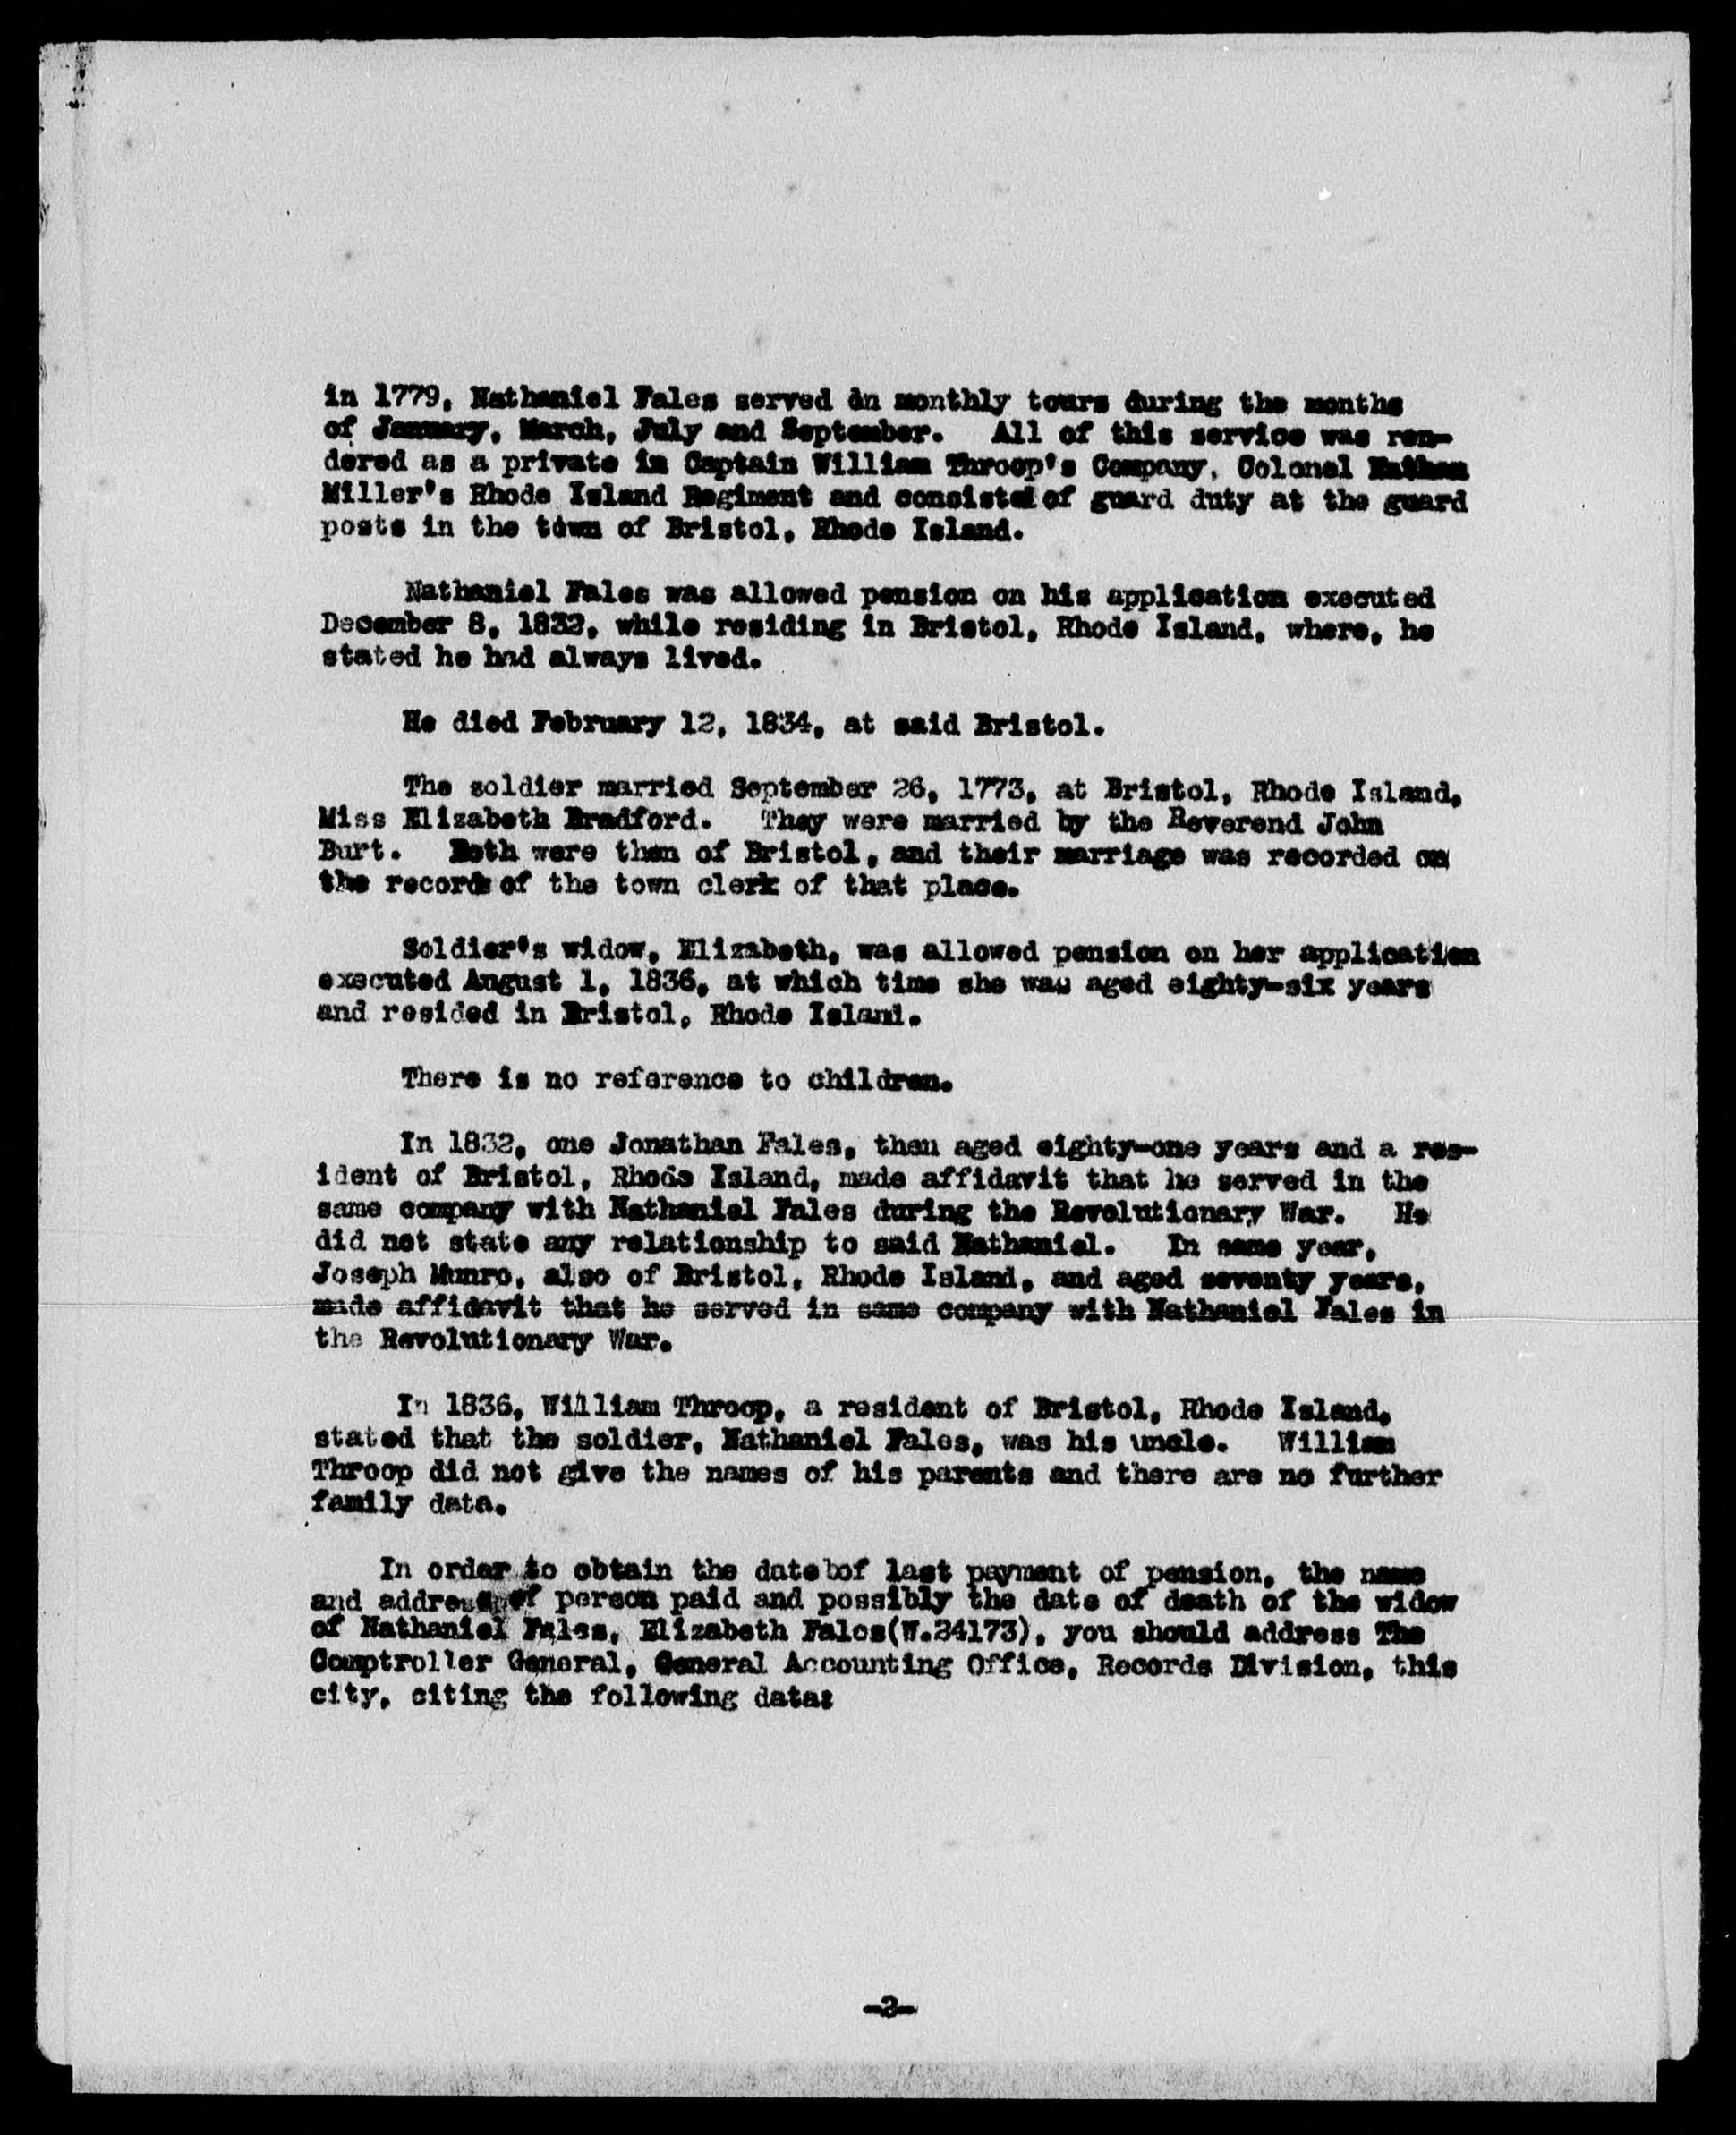in 1779, Nathaniel Fales served in monthly tours during the month
of January, March, July and September. All of this service was rendered
as a private in Captain William Throop's Company, Colonel Nathan
Miller's Rhode Island Regiment and consisted of guard duty at the guard
posts in the town of Bristol, Rhode Island.
Nathaniel Fales was allowed pension on his application executed
December 8, 1832, while residing in Bristol, Rhode Island, where he
stated he had always lived.
He died February 12, 1834, at said Bristol.
The soldier married September 26, 1773, at Bristol, Rhode Island,
Miss Elizabeth Bradford. They were married by the Reverend John
Burt. Both were then of Bristol, and their marriage was recorded on
the record of the town clerk of that place.
Soldier's widow, Elizabeth, was allowed pension on her
executed August 1, 1836, at which time she was aged eight
and resided in Bristol, Rhode Island.

There is no reference to children.

In 1832, one Jonathan Fales, then aged eighty-one years and are
ident of Bristol, Rhode Island, made affidavit that he served in the same company with Nathaniel Fales during the Revolutionary War. He did not state any relationship to said Nathaniel. In same year, Joseph Munro, also of Bristol, Rhode Island, and aged seventy years, made affidavit that he served in same company with Nathaniel Tales in
the Revolutionary War.

In 1836, William Throop, a resident of Bristol, Rhode Island, stated that the soldier, Nathaniel Fales, was his uncle, William Throop did not give the names of his parents and there are no further family data.

In order to obtain the date of last payment of pension, the name and address of person paid and possibly the date of death of the widow of Nathaniel Tales, Elizabeth Fales (W.24173), you should address The Comptroller General, General Accounting Office, Records Division, this city, citing the following data:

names: Jonathan Fales, Elizabeth Fales, Nathaniel Fales, Elizabeth, Nathaniel Fales, Nathaniel Fales, William Throop, Elizabeth Bradford, Joseph Munro, Nathaniel Fales, William Throop, John Burt, Nathaniel Fales, Nathaniel, Nathaniel Fales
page: 18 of 32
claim: widow's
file: W. 24,173, Nathaniel Fales, R.I.